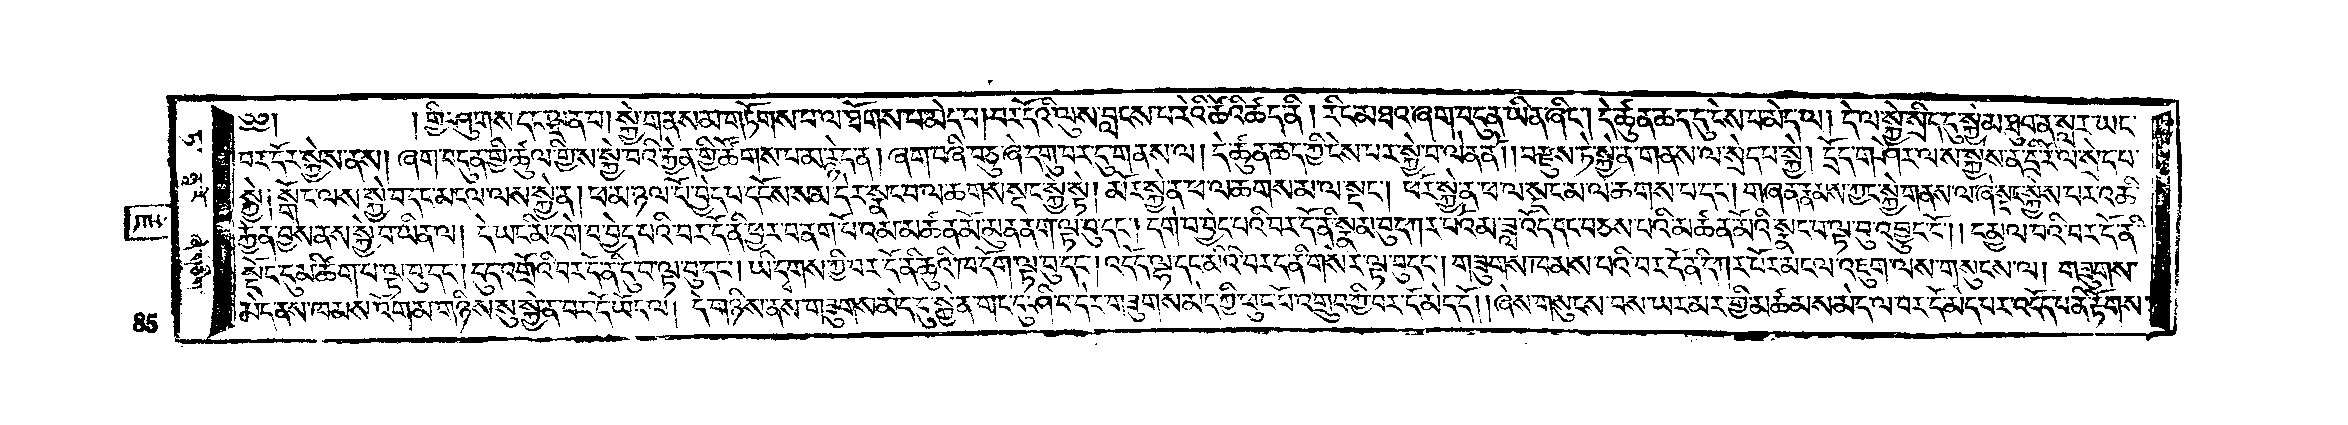༄༅། །གྱི་ཤུགས་དང་ལྡན་པ། སྐྱེ་གནས་མ་གཏོགས་པ་ལ་ཐོགས་པ་མེད་པ། བར་དོའི་ལུས་བླངས་པ་རེའི་ཚེའི་ཚད་ནི། རིང་མཐའ་ཞག་བདུན་ཡིན་ཞིང་། དེ་ཚུན་ཆད་དུ་ངེས་པ་མེད་ལ། དེ་ལ་སྐྱེ་སྲིད་དུ་སྐྱེ་མ་ཐུབ་ན་སླར་ཡང་
བར་དོར་སྐྱེས་ནས། ཞག་བདུན་གྱི་ཚུལ་གྱིས་སྐྱེ་བའི་རྐྱེན་གྱི་ཚོགས་པ་མ་རྙེད་ན། ཞག་བཞི་བཅུ་ཞེ་དགུ་བར་དུ་གནས་ལ། དེ་ཚུན་ཆད་ཀྱི་ངེས་པར་སྐྱེ་བ་ལེན་ནོ། །བརྫུས་ཏེ་སྐྱེ་ན་གནས་ལ་སྲེད་པ་སྐྱེ། དྲོད་གཤེར་ལས་སྐྱེས་ན་དྲི་རོ་ལ་སྲེད་པ་
སྐྱེ། སྒོ་ང་ལས་སྐྱེ་བ་དང་མངལ་ལས་སྐྱེ་ན། ཕ་མ་ཉལ་པོ་བྱེད་པ་དངོས་སམ་དེར་སྣང་བ་ལ་ཆགས་སྡང་སྐྱེ་སྟེ། མོར་སྐྱེ་ན་ཕ་ལ་ཆགས་མ་ལ་སྡང་། ཕོར་སྐྱེ་ན་ཕ་ལ་སྡང་མ་ལ་ཆགས་པ་དང་། གཞན་རྣམས་ཀྱང་སྐྱེ་གནས་ལ་ཞེ་སྡང་སྐྱེས་པར་འཆི་
རྐྱེན་བྱས་ནས་སྐྱེ་བ་ཡིན་ལ། དེ་ཡང་མི་དགེ་བ་བྱེད་པའི་བར་དོ་ནི་ཕྱར་བ་ནག་པོ་འམ་མཚན་མོ་མུན་ནག་ལྟ་བུ་དང་། དགེ་བ་བྱེད་པའི་བར་དོ་ནི་སྣམ་བུ་དཀར་པོའམ་ཟླ་འོད་དང་བཅས་པའི་མཚན་མོའི་སྣང་བ་ལྟ་བུ་འབྱུང་ངོ། །དམྱལ་བའི་བར་དོ་ནི་
སྡོང་དུམ་ཚིག་པ་ལྟ་བུ་དང་། དུད་འགྲོའི་བར་དོ་ནི་དུ་བ་ལྟ་བུ་དང་། ཡི་དྭགས་ཀྱི་བར་དོ་ནི་ཆུའི་ཁ་དོག་ལྟ་བུ་དང་། འདོད་ལྷ་དང་མིའི་བར་དོ་ནི་གསེར་ལྟ་བུ་དང་། གཟུགས་ཁམས་པའི་བར་དོ་ནི་དཀར་པོར་མངལ་འཇུག་ལས་གསུངས་ལ། གཟུགས་
མེད་ནས་ཁམས་འོག་མ་གཉིས་སུ་སྐྱེ་ན་བར་དོ་ཡོད་ལ། དེ་གཉིས་ནས་གཟུགས་མེད་དུ་སྐྱེ་ན་གང་དུ་ཤི་བ་དེར་གཟུགས་མེད་ཀྱི་ཕུང་པོ་འགྲུབ་ཀྱི་བར་དོ་མེད་དོ། །ཞེས་གསུངས་པས་ཡར་མར་གྱི་མཚམས་མེད་ལ་བར་དོ་མེད་པར་འདོད་པ་ནི་རྟོགས་